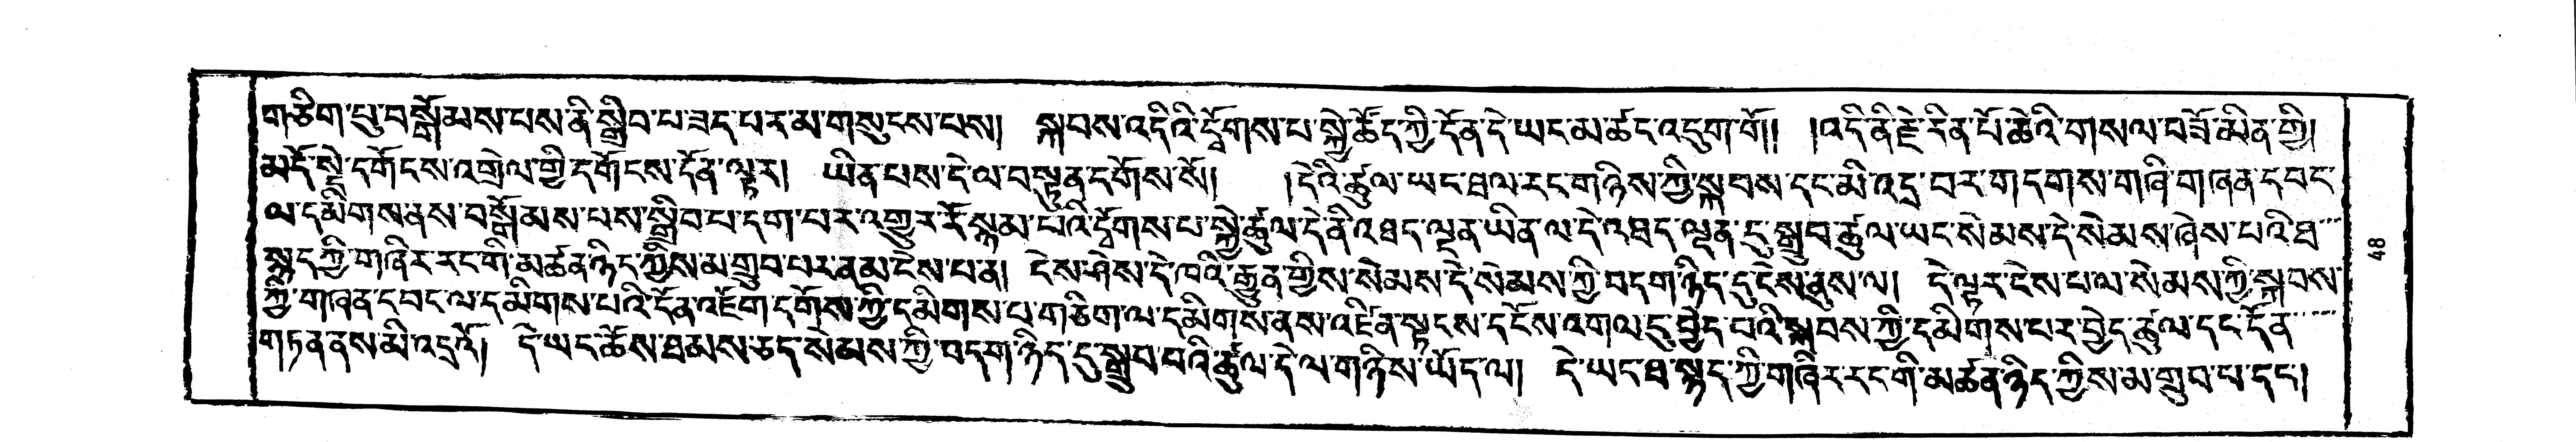གཅིག་པུ་བསྒོམས་པས་ནི་སྒྲིབ་པ་ཟད་པར་མ་གསུངས་པས། སྐབས་འདིའི་དྭོགས་པ་སྐྱེ་ཚོད་ཀྱི་དོན་དེ་ཡང་མ་ཚང་འདུག་གོ། །འདི་ནི་རྗེ་རིན་པོ་ཆེའི་གསལ་བཟོ་མིན་གྱི།
མདོ་སྡེ་དགོངས་འགྲེལ་གྱི་དགོངས་དོན་ལྟར། ཡིན་པས་དེ་ལ་བསྟུན་དགོས་སོ། །དེའི་ཚུལ་ཡང་ཐལ་རང་གཉིས་ཀྱི་སྐབས་དང་མི་འདྲ་བར་གདགས་གཞི་གཞན་དབང་
ལ་དམིགས་ནས་བསྒོམས་པས་སྒྲིབ་པ་དག་པར་འགྱུར་རོ་སྙམ་པའི་དྭོགས་པ་སྐྱེ་ཚུལ་དེ་ནི་འཐད་ལྡན་ཡིན་ལ་དེ་འཐད་ལྡན་དུ་སྒྲུབ་ཚུལ་ཡང་སེམས་དེ་སེམས་ཞེས་པའི་ཐ་
སྙད་ཀྱི་གཞིར་རང་གི་མཚན་ཉིད་ཀྱིས་མ་གྲུབ་པར་ནམ་ངེས་པ་ན། ངེས་ཤེས་དུབ་པར་བྱེད་པ་ནི་མཁས་པ་ཚད་ལྡན་ཀུན་མཐུན་ལ། དེའི་གནད་ཀྱིས་དགོངས་
འགྲེལ་གྱིས་དངོས་བསྟན་གྱི་ཡོངས་གྲུབ་ལ་ཆོས་ཀྱི་བདག་མེད་ཀྱི་ཡོངས་གྲུབ་གཙོ་བོར་འཇོག་དགོས་པའི་གནད་དམ་རྒྱུ་མཚན་ནི་དེ་ཡིན་ནོ། །དེའི་ཕྱིར་ཤེས་པ་ཐ་སྙད་
ཀྱི་གཞིར་རང་གི་མཚན་ཉིད་ཀྱིས་མ་གྲུབ་པར་ངེས་པ་ཙམ་གྱིས་སེམས་ཀྱི་བདག་ཉིད་དུ་ངེས་པའི་ངེས་ཤེས་གསལ་དུ་འགྲོ་ལ། དེ་ལྟར་སོང་བ་ཙམ་གྱིས་སེམས་ཀྱི་ཡུལ་